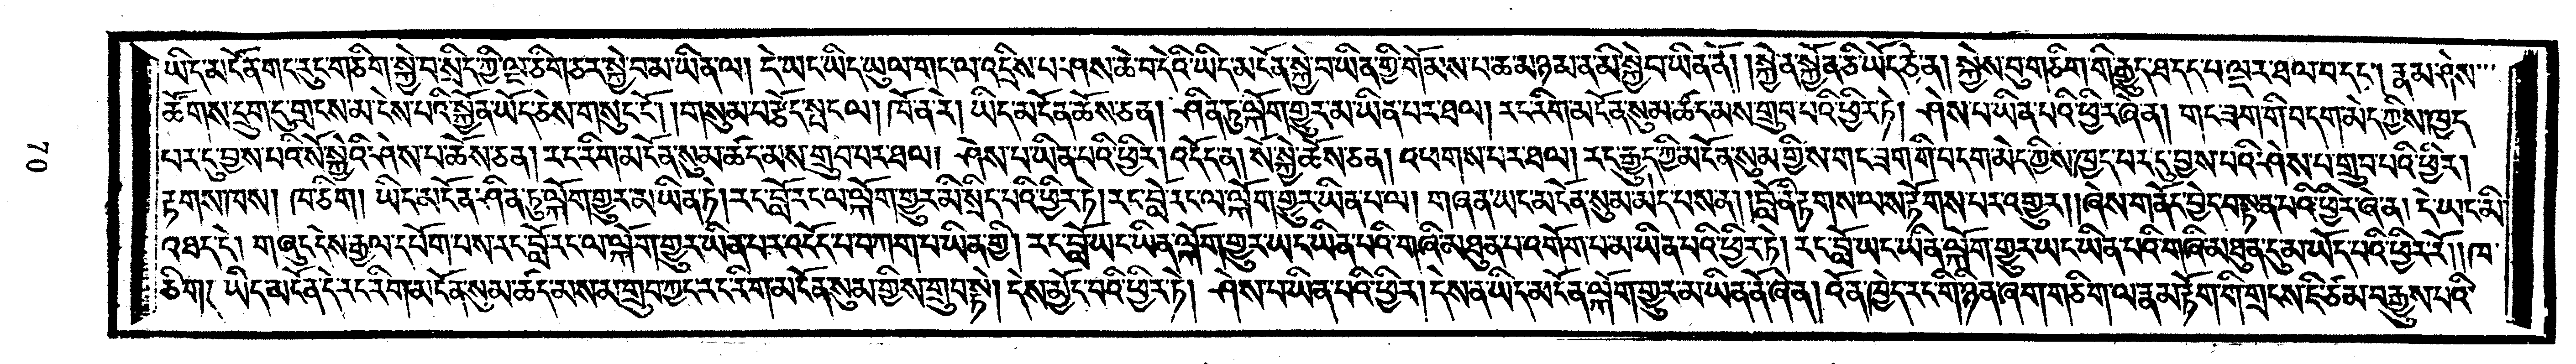ཡིད་མངོན་གང་རུང་གཅིག་སྐྱེ་བ་སྲིད་ཀྱི་ལྔ་ཅིག་ཅར་སྐྱེ་བ་མ་ཡིན་ལ། དེ་ཡང་ཡིད་ཡུལ་གང་ལ་འདྲེས་པ་ཤས་ཆེ་བ་དེའི་ཡིད་མངོན་སྐྱེ་བ་ཡིན་གྱི་གོམས་པ་ཆ་མཉམ་ན་མི་སྐྱེ་བ་ཡིན་ནོ། །སྐྱེ་ན་སྐྱོན་ཅི་ཡོད་ཅེ་ན། སྐྱེས་བུ་གཅིག་གི་རྒྱུད་ཐ་དད་པ་ལྔར་ཐལ་བ་དང་། རྣམ་ཤེས་
ཚོགས་དྲུག་དུ་གྲངས་མ་ངེས་པའི་སྐྱོན་ཡོད་ཅེས་གསུང་ངོ། །གསུམ་པ་རྩོད་སྤང་ལ། ཁོ་ན་རེ། ཡིད་མངོན་ཆོས་ཅན། ཤིན་ཏུ་ལྐོག་གྱུར་མ་ཡིན་པར་ཐལ། རང་རིག་མངོན་སུམ་ཚད་མས་གྲུབ་པའི་ཕྱིར་ཏེ། ཤེས་པ་ཡིན་པའི་ཕྱིར་ཞེ་ན། གང་ཟག་གི་བདག་མེད་ཀྱིས་ཁྱད་
པར་དུ་བྱས་པའི་སོ་སྐྱེའི་ཤེས་པ་ཆོས་ཅན། རང་རིག་མངོན་སུམ་ཚད་མས་གྲུབ་པར་ཐལ། ཤེས་པ་ཡིན་པའི་ཕྱིར། འདོད་ན། སོ་སྐྱེ་ཆོས་ཅན། འཕགས་པར་ཐལ། རང་རྒྱུད་ཀྱི་མངོན་སུམ་གྱིས་གང་ཟག་གི་བདག་མེད་ཀྱིས་ཁྱད་པར་དུ་བྱས་པའི་ཤེས་པ་གྲུབ་པའི་ཕྱིར།
རྟགས་ཁས། ཁ་ཅིག། ཡིད་མངོན་ཤིན་ཏུ་ལྐོག་གྱུར་མ་ཡིན་ཏེ། རང་བློ་རང་ལ་ལྐོག་གྱུར་མི་སྲིད་པའི་ཕྱིར་ཏེ། རང་བློ་རང་ལ་ལྐོག་གྱུར་ཡིན་པ་ལ། གཞན་ཡང་མངོན་སུམ་མེད་པས་ན། །བློ་ནི་རྟགས་ལས་རྟོགས་པར་འགྱུར། །ཞེས་གནོད་བྱེད་བསྟན་པའི་ཕྱིར་ཞེ་ན། དེ་ཡང་མི་
འཐད་དེ། གཞུང་དེས་རྒྱལ་དཔག་པས་རང་བློ་རང་ལ་ལྐོག་གྱུར་ཡིན་པར་འདོད་པ་བཀག་པ་ཡིན་གྱི། རང་བློ་ཡང་ཡིན་ལྐོག་གྱུར་ཡང་ཡིན་པའི་གཞི་མཐུན་པ་འགོག་པ་མ་ཡིན་པའི་ཕྱིར་ཏེ། རང་བློ་ཡང་ཡིན་ལྐོག་གྱུར་ཡང་ཡིན་པའི་གཞི་མཐུན་དུ་མ་ཡོད་པའི་ཕྱིར་རོ། །ཁ་
ཅིག ༑ཡིད་མངོན་དེ་རང་རིག་མངོན་སུམ་ཚད་མས་མ་གྲུབ་ཀྱང་རང་རིག་མངོན་སུམ་གྱིས་གྲུབ་སྟེ། དེས་མྱོང་བའི་ཕྱིར་ཏེ། ཤེས་པ་ཡིན་པའི་ཕྱིར། དེས་ན་ཡིད་མངོན་ལྐོག་གྱུར་མ་ཡིན་ནོ་ཞེ་ན། འོ་ན་ཁྱེད་རང་གི་ཉིན་ཞག་གཅིག་ལ་རྣམ་རྟོག་གི་གྲངས་ཇི་ཙམ་བརྒྱུས་པའི་